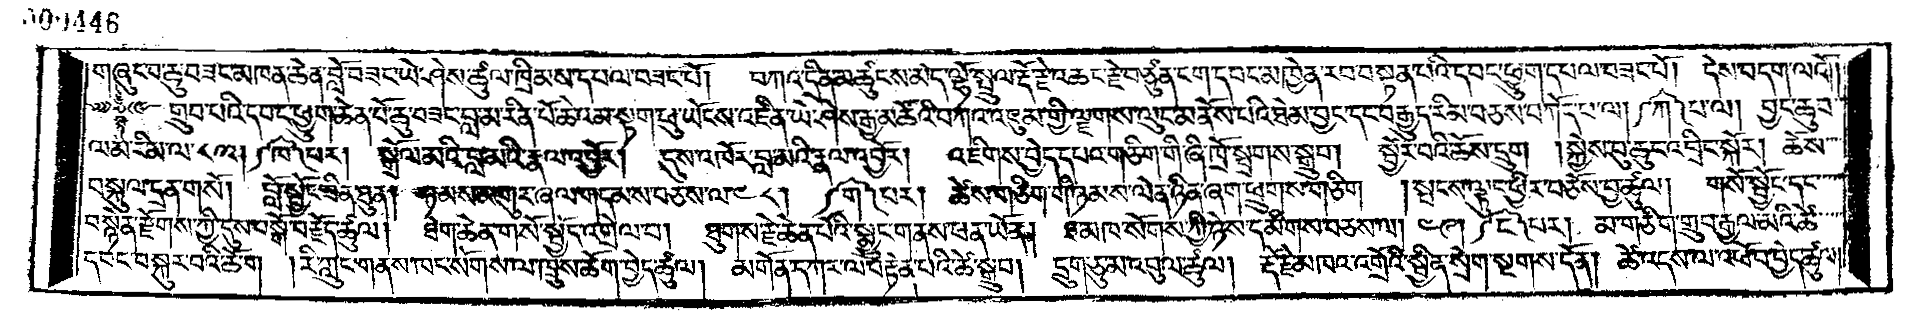གཞུང་བ་ཆུ་བཟང་མཁན་ཆེན་བློ་བཟང་ཡེ་ཤེས་ཚུལ་ཁྲིམས་དཔལ་བཟང་པོ། བཀའ་དྲིན་མཚུངས་མེད་ལྷོ་སྤྲུལ་རྡོ་རྗེ་འཆང་རྗེ་བཙུན་ངག་དབང་མཁྱེན་རབ་བསྟན་པའི་དབང་ཕྱུག་དཔལ་བཟང་པོ། དེས་བདག་ལའོ།
གྲུབ་པའི་དབང་ཕྱུག་ཆེན་པོ་ཆུ་བཟང་བླ་མ་རིན་པོ་ཆེའམ་སྟག་ཕུ་ཡོངས་འཛིན་ཡེ་ཤེས་རྒྱ་མཚོའི་བཀའ་འབུམ་གྱི་ལྗགས་ལུང་མནོས་པའི་ཐེམ་བྱང་དང་བརྒྱུད་རིམ་བཅས་བཀོད་པ་ལ། ༼ཀ༽ པ་ལ། བྱང་ཆུབ་
ལམ་རིམ་ལ༨༣། ༼ཁ༽ པར། སྒྲོལ་མའི་བླ་མའི་རྣལ་འབྱོར། དུས་འཁོར་བླ་མའི་རྣལ་འབྱོར། འཇིགས་བྱེད་དཔའ་གཅིག་གི་ཞི་ཁྲོ་སྦྲགས་སྒྲུབ། སྦྱོར་བའི་ཆོ་དྲུག ། །སྐྱེས་བུ་ཆུང་བྲིང་སྐོར། ཆོས་
བསྐུལ་དྲན་གསོ། བློ་སྦྱོར་ཟིན་ཐུན། ཉམས་མགུར་ཞལ་གདམས་བཅས་ལ ༤༨། ༼ག༽ པར། ཚེས་གཅིག་གི་ཉམས་ལེ་ཉིན་ཞག་ཕྲུགས་གཅིག །སྤངས་ལྟུང་ཕྱི་བཅོས་བྱ་ཚུལ། གསོ་སྦྱོང་དང་
བསྙེན་རྫོགས་ཀྱི་དུས་བསྒོ་བརྗོད་ཚུལ། ཐེག་ཆེན་གསོ་སྦྱོར་འགྲེལ་བ། ཐུགས་རྗེ་ཆེན་པོའི་སྨྱུང་གནས་ཕན་ཡོན། ཐ་མཁས་སོགས་ཀྱི་ཉེས་སྡིགས་བཅས་ལ། ༼ང༽ པར། མ་གཅིག་གྲུབ་རྒྱལ་མའི་ཚེ་
དབང་བསྐུར་བའི་ཆོ་ག །རི་ཀླུང་གནས་ཁང་སོགས་ལ་ཁྲུས་ཆོག་བྱེད་ཚུལ། མགོན་དཀར་ལ་བརྟེན་པའི་ཚེ་སྒྲུབ། དྲུག་ཅུ་མ་འབུམ་ཚུལ། རྡོ་རྗེ་མཁའ་འགྲོའི་སྦྱིན་སྲེག་སྔགས་དོན། ཚེ་འདས་ལ་འཕོ་བ་བྱེད་ཚུལ།